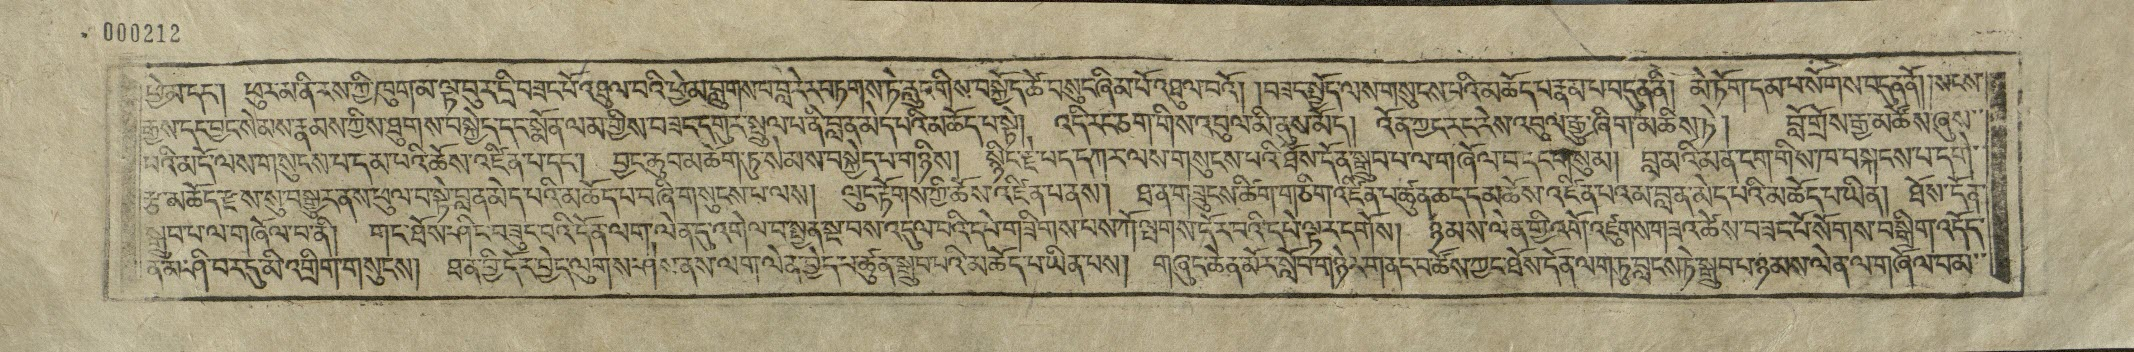ཕྱེ་མ་དང་། ཕུར་མ་ནི་རས་ཀྱི་ཁུག་མ་ལྟ་བུར་དྲི་བཟང་པོ་འཐུལ་བའི་ཕྱེ་མ་བླུགས་པ་བླ་རེར་བཏགས་ཏེ་རླུང་གིས་བསྐྱོད་ཚེ་བསུང་ཞིམ་པོ་འཐུལ་བའོ། །བཟང་སྤྱོད་ལས་གསུངས་པའི་མཆོད་པ་རྣམ་པ་བདུན་ནི། མེ་ཏོག་དམ་པ་སོགས་བདུན་ནོ། །སངས་
རྒྱས་དང་བྱང་སེམས་རྣམས་ཀྱིས་ཐུགས་བསྐྱེད་དང་སྨོན་ལམ་གྱིས་བཟང་དགུར་སྤྲུལ་པ་ནི་བླ་ན་མེད་པའི་མཆོད་པ་སྟེ། འདི་རང་ཅག་གིས་འབུལ་མི་ནུས་མོད། འོན་ཀྱང་རང་རེས་འབུལ་རྒྱུ་ཞིག་མཆིས་ཏེ། བློ་གྲོས་རྒྱ་མཚོས་ཞུས་
པའི་མདོ་ལས་གསུངས་པ་དམ་པའི་ཆོས་འཛིན་པ་དང་། བྱང་ཆུབ་མཆོག་ཏུ་སེམས་བསྐྱེད་པ་གཉིས། སྙིང་རྗེ་པད་དཀར་ལས་གསུངས་པའི་ཐོས་དོན་སྒྲུབ་པ་ལ་གཞོལ་བ་དང་གསུམ། བླ་མའི་མན་ངག་གིས་ཁ་བསྐངས་པ་དགེ་
རྩ་མཆོད་རྫས་སུ་བསྒྱུར་ནས་ཕུལ་བ་སྟེ་བླ་ན་མེད་པའི་མཆོད་པ་བཞི་གསུངས་པ་ལས། ལུང་རྟོགས་ཀྱི་ཆོས་འཛིན་པ་ནས། ཐ་ན་གཟུངས་ཚིག་གཅིག་འཛིན་པ་ཚུན་ཆད་དམ་ཆོས་འཛིན་པའམ་བླ་ན་མེད་པའི་མཆོད་པ་ཡིན། ཐོས་དོན་
སྒྲུབ་པ་ལ་གཞོལ་བ་ནི། གང་ཐོས་ཤིང་བཟུང་བའི་དོན་ལག་ལེན་དུ་འགེལ་བ་སྤྱན་སྔ་བ་ས་འདུལ་བའི་དཔེ་གཟིགས་པས་ཀོ་ལྤགས་དོར་བའི་དཔེ་ལྟར་དགོས། ཉམས་ལེན་གྱི་འགོ་འཛུགས་གཟའ་ཚེས་བཟང་པོ་སོགས་བསྒྲིག་འདོད་
ན་མ་ཤི་བར་དུ་མི་འགྲིག་གསུངས། ཐ་ན་བྱི་དོར་བྱེད་ལུགས་ཤེས་ནས་ལག་ལེན་བྱེད་པ་ཚུན་སྒྲུབ་པའི་མཆོད་པ་ཡིན་པས། གཞུང་ཆེན་མོར་སློབ་གཉེར་གནང་བ་ཚོས་ཀྱང་ཐོས་དོན་ལག་ཏུ་བླངས་ཏེ་སྒྲུབ་པ་ཉམས་ལེན་ལ་གཞོལ་བ་མ་